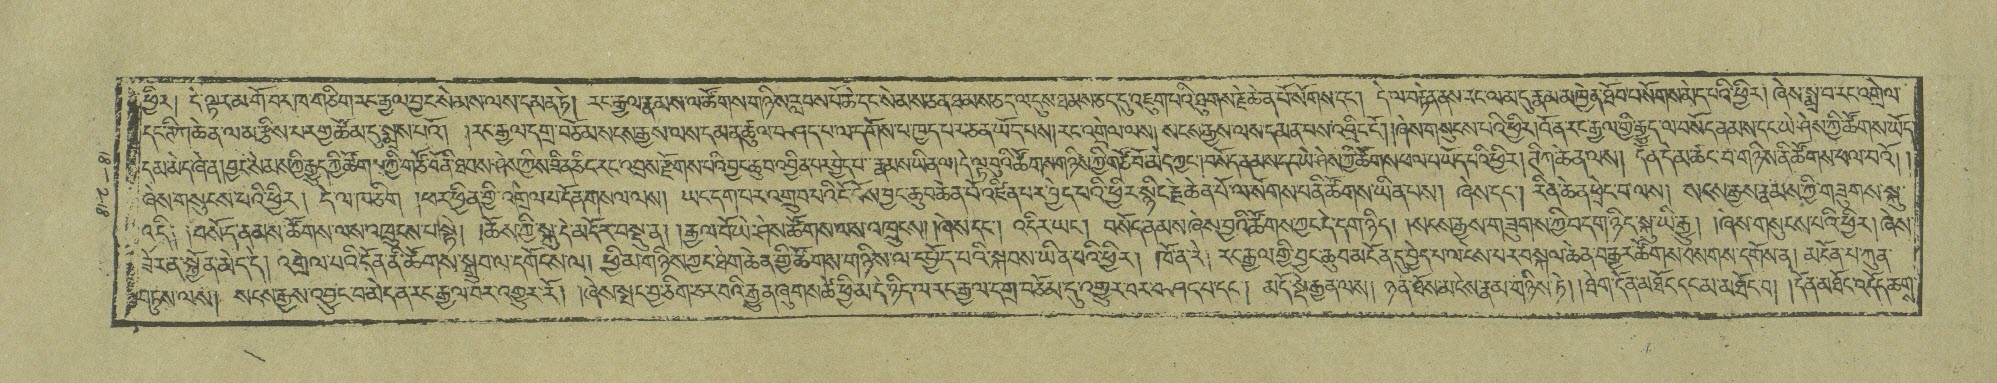ཕྱིར། དེ་ལྟར་མ་གོ་བར་ཁ་གཅིག་རང་རྒྱལ་བྱང་སེམས་ལས་དམན་ཏེ། རང་རྒྱལ་རྣམས་ལ་ཚོགས་གཉིས་རླབས་པོ་ཆེ་དང་སེམས་ཅན་ཐམས་ཅད་ལ་དུས་ཐམས་ཅད་དུ་འཇུག་པའི་ཐུགས་རྗེ་ཆེན་པོ་སོགས་དང་། དེ་ལ་བརྟེན་ནས་རང་ལམ་དུ་རྣམ་མཁྱེན་ཐོབ་པ་སོགས་མེད་པའི་ཕྱིར། ཞེས་སྨྲ་བ་རང་འགྲེལ་
དང་ཊཱིཀ་ཆེན་ལ་མ་རྩིས་པར་གྱ་ཚོམ་དུ་སྨྲས་པའོ། །རང་རྒྱལ་དགྲ་བཅོམ་སངས་རྒྱས་ལས་དམན་ཚུལ་བཤད་པ་ལ་དགོས་པ་ཁྱད་པར་ཅན་ཡོད་པས། རང་འགྲེལ་ལས། སངས་རྒྱས་ལས་དམན་པས་འབྲིང་ངོ། །ཞེས་གསུངས་པའི་ཕྱིར། འོ་ན་རང་རྒྱལ་གྱི་རྒྱུད་ལ་བསོད་ནམས་དང་ཡེ་ཤེས་ཀྱི་ཚོགས་ཡོད་
དམ་མེད་ཞེ་ན། བྱང་སེམས་ཀྱི་རྒྱུད་ཀྱི་ཚོགས་ཀྱི་གཙོ་བོ་ནི་ཐབས་ཤེས་ཀྱིས་ཟིན་ཅིང་རང་འབྲས་རྫོགས་པའི་བྱང་ཆུབ་འབྱིན་པར་བྱེད་པ་རྣམས་ཡིན་ལ། དེ་ལྟ་བུའི་ཚོགས་གཉིས་ཀྱི་གཙོ་བོ་མེད་ཀྱང་། བསོད་ནམས་དང་ཡེ་ཤེས་ཀྱི་ཚོགས་ཕལ་པ་ཡོད་པའི་ཕྱིར། ཊཱིཀ་ཆེན་ལས། དོན་དེ་མ་ཚང་བ་གཉིས་ནི་ཚོགས་ཕལ་པའོ། །
ཞེས་གསུངས་པའི་ཕྱིར། དེ་ལ་ཁ་ཅིག །ཕར་ཕྱིན་གྱི་འགྲེལ་བ་དོན་གསལ་ལས། ཡང་དག་པར་འགྲུབ་པའི་ངོ་བོས་བྱང་ཆུབ་ཆེན་པོ་འཛིན་པར་བྱེད་པའི་ཕྱིར་སྙིང་རྗེ་ཆེན་པོ་ལ་སོགས་པ་ནི་ཚོགས་ཡིན་པས། ཞེས་དང་། རིན་ཆེན་ཕྲེང་བ་ལས། སངས་རྒྱས་རྣམས་ཀྱི་གཟུགས་སྐུ་
འདི། །བསོད་ནམས་ཚོགས་ལས་འཁྲུངས་པ་སྟེ། །ཆོས་ཀྱི་སྐུ་དེ་མདོར་བསྡུ་ན། །རྒྱལ་པོ་ཡེ་ཤེས་ཚོགས་ལས་འཁྲུངས། །ཞེས་དང་། འདིར་ཡང་། བསོད་ནམས་ཞེས་བྱའི་ཚོགས་ཀྱང་དེ་དག་ཉིད། །སངས་རྒྱས་གཟུགས་ཀྱི་བདག་ཉིད་སྐུ་ཡི་རྒྱུ། །ཞེས་གསུངས་པའི་ཕྱིར། ཞེས་
ཟེར་ན་སྐྱོན་མེད་དེ། འགྲེལ་བའི་དོན་ནི་ཚོགས་སྒྲུབ་ལ་དགོངས་ལ། ཕྱི་མ་གཉིས་ཀྱང་ཐེག་ཆེན་གྱི་ཚོགས་གཉིས་ལ་དཔྱོད་པའི་སྐབས་ཡིན་པའི་ཕྱིར། ཁོ་ན་རེ། རང་རྒྱལ་གྱི་བྱང་ཆུབ་མངོན་དུ་བྱེད་པ་ལ་ངེས་པར་བསྐལ་ཆེན་བརྒྱར་ཚོགས་བསགས་དགོས་ན། མངོན་པ་ཀུན་
བཏུད་ལས། སངས་རྒྱས་འབྱུང་བ་མེད་ན་རང་རྒྱལ་བར་འགྱུར་རོ། །ཞེས་སྤང་བྱ་ཅིག་ཅར་བའི་རྒྱུན་ཞུགས་ཚེ་ཕྱི་མ་དེ་ཉིད་ལ་རང་རྒྱལ་དགྲ་བཅོམ་དུ་འགྱུར་པར་བཤད་པ་དང་། མདོ་སྡེ་རྒྱན་ལས། ཉན་ཐོས་མ་ངེས་རྣམ་གཉིས་ཏེ། །ཐེག་དོན་མཐོང་དང་མ་མཐོང་བ། །དོན་མཐོང་འདོད་ཆགས་